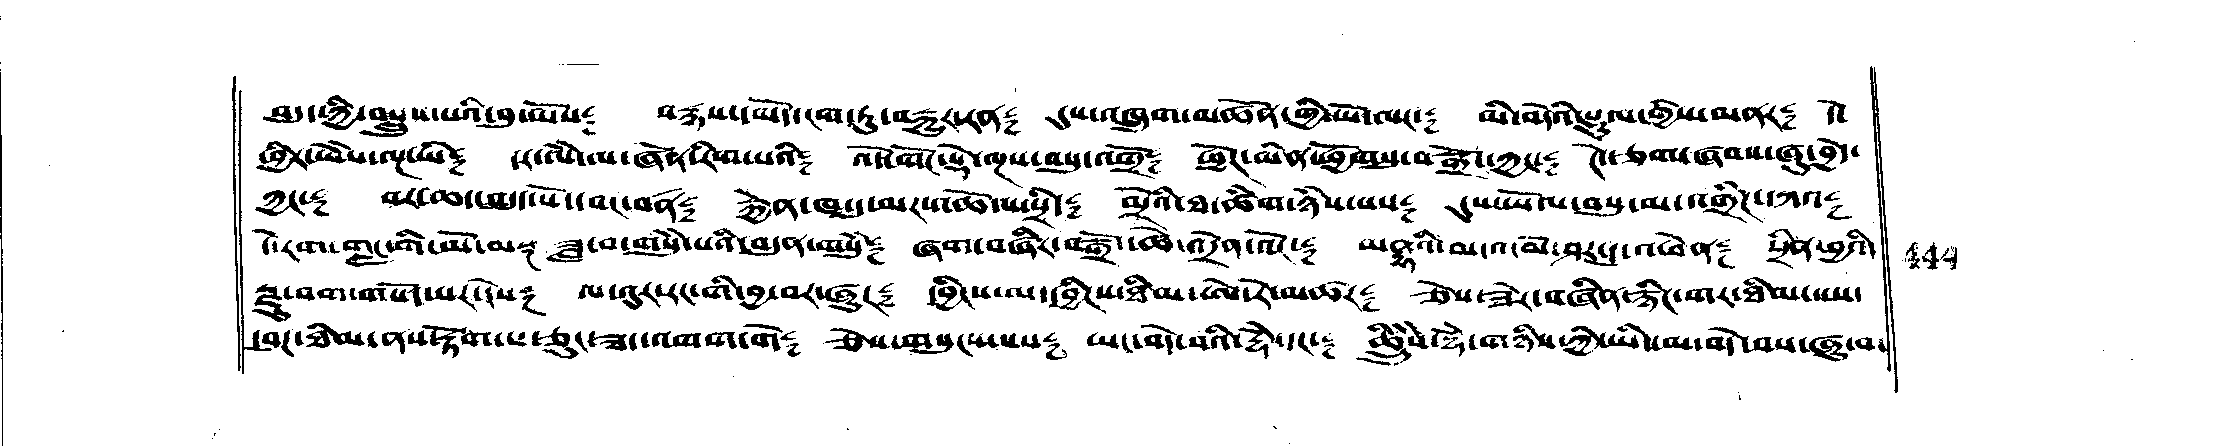།བདུད་ཀྱི་བསླུས་པའི་བུ་མོས། །བརྙས་དམོད་ངག་ཏུ་བསྐྱུར་རན། །དུས་འཁྲུག་མཚོན་གྱི་ཡོ་ལང་། །མི་བདེའི་སྡུག་བསྔལ་གྱིས་མནར། །དེ་
ཕྱིར་ཡེ་ཤེས་ལྔ་ཡི། །དར་ལམ་ལ་ཞོན་རིག་པའི། །འོད་གོང་སྡེ་ལྔས་བསུ་འགྲོ། །ཕྱོགས་མིན་ཕྱོགས་སུ་བགྲོད་ཀྱང་། །ངེད་ཅག་ཞབས་ཞུ་བྱེད་
ཀྱང་། །བར་ཆད་བདུད་པོ་དབང་བཙན། །རྐྱེན་ཁ་དུ་མར་འཆོལ་སྲིད། །མཁའ་འགྲོའི་ཐ་ཚིག་ཉམས་པས། །དུས་ཡོལ་བསུ་མ་འགྲིགས་དཀའ། །
དེ་རག་གླང་གི་མོ་མ། །ཟླ་བ་གསུམ་པའི་བདུན་གསུམ། ཞག་བཞིར་བགྲོད་ཚེ་འདྲེན་འོང་། །མནྡྷའི་མངའ་མོ་ཤར་དུ་འཕེན། །སྲིན་བྱའི་
རྫུ་བག་གསོད་པར་ངེས། །ལ་འུར་རང་གི་བྱ་བར་ཞུགས། །དབྱིངས་ལ་དབྱིངས་ཐིམ་ཨེ་རེ་མཚར། །ཅེས་ཟེར་བཞིན་སྙིང་གར་ཐིམ་པས་
དབུགས་ཐིམ་ནས་རྟོག་པ་ཅུང་ཟད་འགག་གོ། ཅེས་གསུངས་པས། ཡང་བདེ་བའི་རྡོ་རྗེ་དང་། ཚུལ་ཁྲིམས་རྡོ་རྗེ་གཉིས་ཀྱི་ཡིད་མ་བདེ་བས་ཞུ་བ་